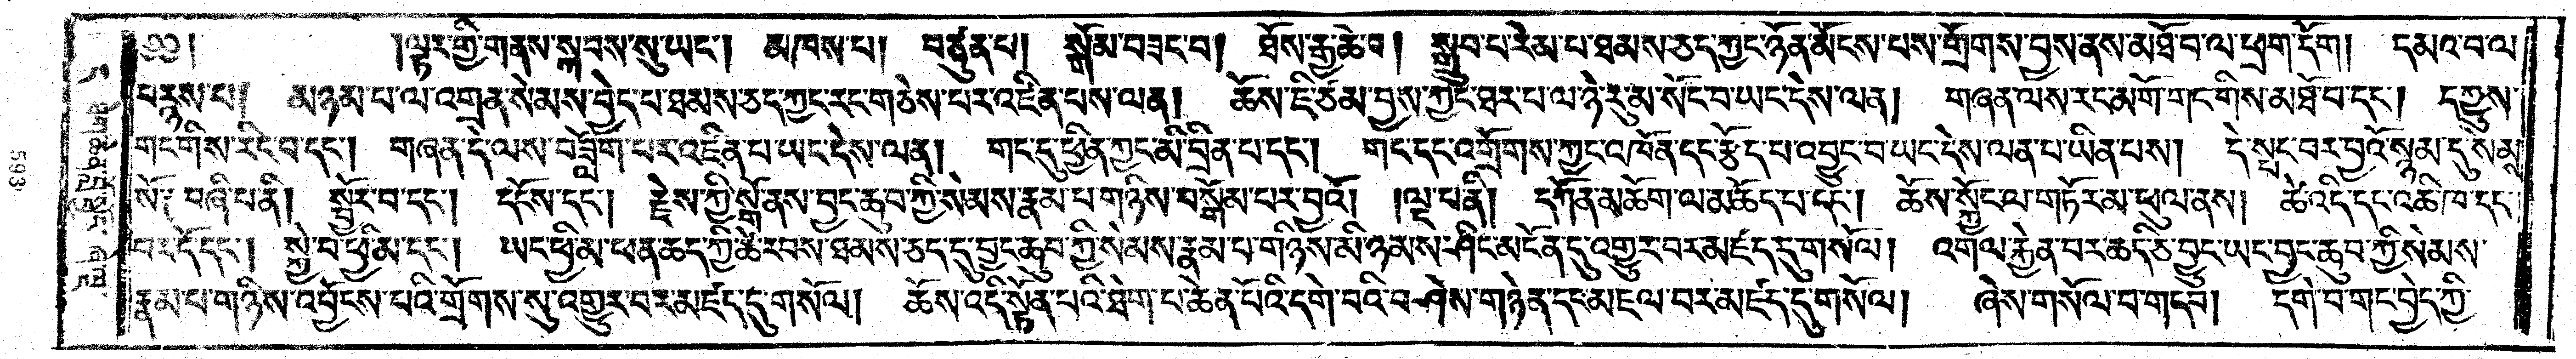༄༅། །ལྟར་གྱི་གནས་སྐབས་སུ་ཡང་། མཁས་པ། བཙུན་པ། སྒོམ་བཟང་བ། ཐོས་རྒྱ་ཆེ་བ། སྒྲུབ་པ་རེམ་པ་ཐམས་ཅད་ཀྱང་ཉོན་མོངས་པས་གྲོགས་བྱས་ནས་མཐོ་བ་ལ་ཕྲག་དོག། དམའ་བ་ལ།
བརྙས་པ། མཉམ་པ་ལ་འགྲན་སེམས་བྱེད་པ་ཐམས་ཅད་ཀྱང་རང་གཅེས་པར་འཛིན་པས་ལན། ཆོས་ཇི་ཙམ་བྱས་ཀྱང་ཐར་པ་ལ་ཉེ་རུ་མ་སོང་བ་ཡང་དེས་ལན། གཞན་ལས་རང་མགོ་གང་གིས་མཐོ་བ་དང་། དཀྱུས་
གང་གིས་རིང་བ་དང་། གཞན་དེ་ལས་བཟློག་པར་འཛིན་པ་ཡང་དེས་ལན། གང་དུ་ཕྱིན་ཀྱང་མི་བྲིན་པ་དང་། གང་དང་འགྲོགས་ཀྱང་འཁོན་དང་རྩོད་པ་འབྱུང་བ་ཡང་དེས་ལན་པ་ཡིན་པས། དེ་སྤང་བར་བྱའོ་སྙམ་དུ་སེམས་
སོ༑ བཞི་པ་ནི། སྦྱོར་བ་དང་། དངོས་དང་། རྗེས་ཀྱི་སྒོ་ནས་བྱང་ཆུབ་ཀྱི་སེམས་རྣམ་པ་གཉིས་བསྒོམ་པར་བྱའོ། །ལྔ་པ་ནི། དཀོན་མཆོག་ལ་མཆོད་པ་དང་། ཆོས་སྐྱོང་ལ་གཏོར་མ་ཕུལ་ནས། ཚེ་འདི་དང་འཆི་ཁ་དང་
བར་དོ་དང་། སྐྱེ་བ་ཕྱི་མ་དང་། ཡང་ཕྱི་མ་ཕན་ཆད་ཀྱི་ཚེ་རབས་ཐམས་ཅད་དུ་བྱང་ཆུབ་ཀྱི་སེམས་རྣམ་པ་གཉིས་མི་ཉམས་ཤིང་མངོན་དུ་འགྱུར་བར་མཛད་དུ་གསོལ། འགལ་རྐྱེན་པར་ཆད་ཅི་བྱུང་ཡང་བྱང་ཆུབ་ཀྱི་སེམས་
རྣམ་པ་གཉིས་འབྱོངས་པའི་གྲོགས་སུ་འགྱུར་བར་མཛད་དུ་གསོལ། ཆོས་འདི་སྟོན་པའི་ཐེག་པ་ཆེན་པོའི་དགེ་བའི་བ་ཤེས་གཉེན་དང་མཇལ་བར་མཛད་དུ་གསོལ། ཞེས་གསོལ་བ་གདབ། དགེ་བ་གང་བྱེད་ཀྱི་